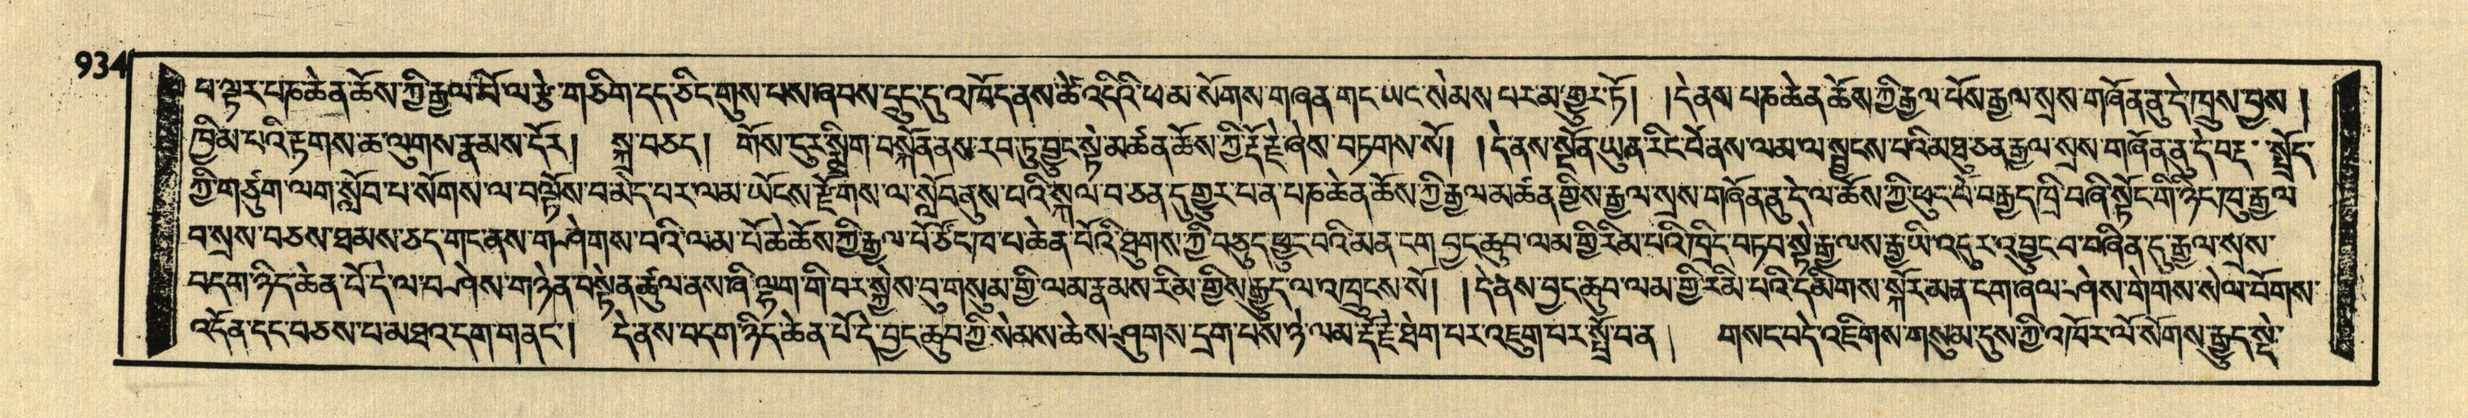པ་ལྟར་པཎ་ཆེན་ཆོས་ཀྱི་རྒྱལ་པོ་ལ་རྩེ་གཅིག་དད་ཅིང་གུས་པས་ཞབས་དྲུང་དུ་འཁོད་ནས་ཚེ་འདིའི་ཕ་མ་སོགས་གཞན་གང་ཡང་སེམས་པར་མ་གྱུར་ཏོ། །དེ་ནས་པཎ་ཆེན་ཆོས་ཀྱི་རྒྱལ་པོས་རྒྱལ་སྲས་གཞོན་ནུ་དེ་ཁྲུས་བྱས།
ཁྱིམ་པའི་རྟགས་ཆ་ལུགས་རྣམས་དོར། སྐྲ་བཅད། གོས་དུར་སྨྲིག་བསྐོན་ནས་རབ་ཏུ་བྱུང་སྟེ་མཚན་ཆོས་ཀྱི་རྡོ་རྗེ་ཞེས་བཏགས་སོ། །དེ་ནས་སྔོན་ཡུན་རིང་པོ་ནས་ལམ་ལ་སྦྱངས་པའི་མཐུ་ཅན་རྒྱལ་སྲས་གཞོན་ནུ་དེ་བརྡ་སྤྲོད་
ཀྱི་གཙུག་ལག་སློབ་པ་སོགས་ལ་བལྟོས་པ་མེད་པར་ལམ་ཡོངས་རྫོགས་ལ་སློབ་ནུས་པའི་སྐལ་བ་ཅན་དུ་གྱུར་པ་ན་པཎ་ཆེན་ཆོས་ཀྱི་རྒྱལ་མཚན་གྱིས་རྒྱལ་སྲས་གཞོན་ནུ་དེ་ལ་ཆོས་ཀྱི་ཕུང་པོ་བརྒྱད་ཁྲི་བཞི་སྟོང་གི་ཉིང་ཁུ་རྒྱལ་
བ་སྲས་བཅས་ཐམས་ཅད་གང་ནས་གཤེགས་པའི་ལམ་པོ་ཆེ་ཆོས་ཀྱི་རྒྱལ་པོ་ཙོང་ཁ་པ་ཆེན་པོའི་ཐུགས་ཀྱི་བཅུད་ཕྱུང་བའི་མན་ངག་བྱང་ཆུབ་ལམ་གྱི་རིམ་པའི་ཁྲིད་བཏབ་སྟེ་རྒྱ་ལས་རྒྱ་ཡི་འདུར་འབྱུང་བ་བཞིན་དུ་རྒྱལ་སྲས་
བདག་ཉིད་ཆེན་པོ་དེ་ལ་བཤེས་གཉེན་བསྟེན་ཚུལ་ནས་ཞི་ལྷག་གི་བར་སྐྱེས་བུ་གསུམ་གྱི་ལམ་རྣམས་རིམ་གྱིས་རྒྱུད་ལ་འཁྲུངས་སོ། །དེ་ནས་བྱང་ཆུབ་ལམ་གྱི་རིམ་པའི་དམིགས་སྐོར་མན་ངག་ཞལ་ཤེས་གེགས་སེལ་བོགས་
འདོན་དང་བཅས་པ་མཐའ་དག་གནང་། དེ་ནས་བདག་ཉིད་ཆེན་པོ་དེ་བྱང་ཆུབ་ཀྱི་སེམས་ཆེས་ཤུགས་དྲག་པས་ཉེ་ལམ་རྡོ་རྗེ་ཐེག་པར་འཇུག་པར་སྤྲོ་བ་ན། གསང་བདེ་འཇིགས་གསུམ་དུས་ཀྱི་འཁོར་ལོ་སོགས་རྒྱུད་སྡེ་